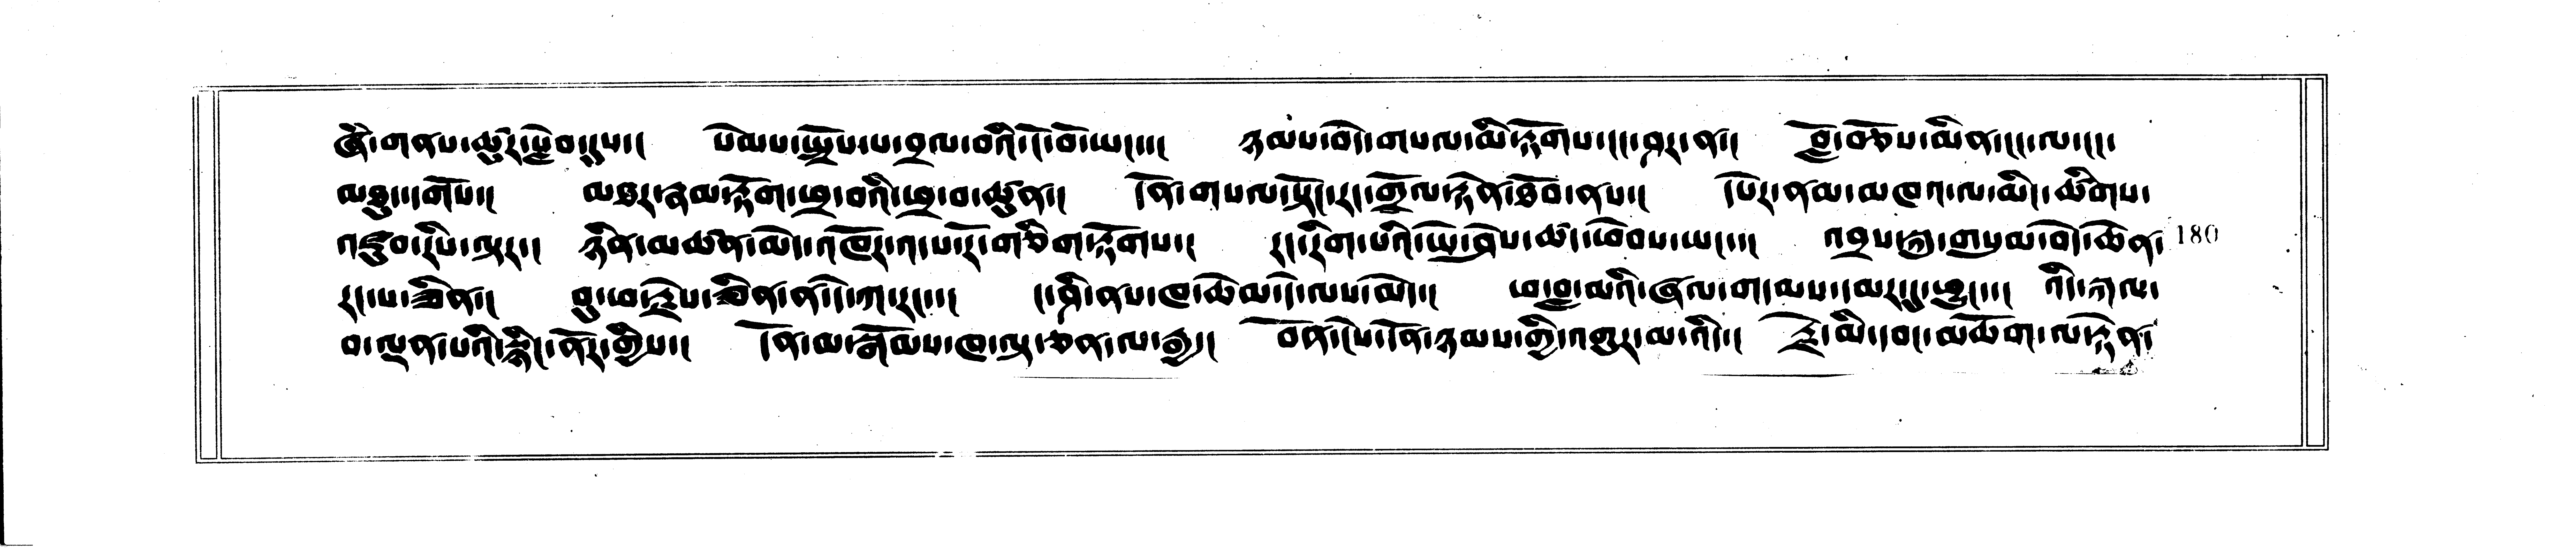ཞི་གནས་ཚུར་སླེབས་དུས། །སེམས་སྤྲོས་པ་བྲལ་བའི་ངོ་བོ་ཡང་། །ཉམས་བདེ་གསལ་མི་རྟོག་ངང་ཤར་ན། །བློ་བཅོས་མིན་ངང་ལ་ངང་
མཐུད་དགོས། །མཐར་རྣམ་རྟོག་ཕྲ་བའི་ཕྲ་བ་ཚུན། །དོན་གསལ་སྟོང་རང་གྲོལ་རྟེན་ཐོབ་ནས། །དཔེར་ནམ་མཁའ་ལ་མིང་ཚིག་
འཛུབ་རིས་ལྟར། །ཉིན་མཚན་མེད་འཁོར་འདས་རོ་གཅིག་རྟོགས། །རང་རིག་པའི་ཡེ་ཤེས་ཚད་ཕེབས་ཡང་། །འབྲས་སྐུ་གསུམ་བདེ་ཆེན་
རང་ས་ཟིན། །བུ་ཕ་རྗེས་ཟིན་ན་དེ་ཀ་རང་། །ང་ཤི་ནས་ཁ་ཆེམ་དེ་ལས་མེད། །ཕ་བླ་མའི་ཞལ་གདམས་དམར་དུ་ཕྱུང་། །འདི་སྐལ་
པ་ལྡན་པའི་སྙིང་ནོར་གྱིས། །དོན་མ་བསྒོམས་ཁ་ཏ་ཅན་ལ་རྒྱ། །བོན་ངེས་དོན་ཉམས་ཀྱི་མགུར་མ་འདི། །རྗེ་མི་དབང་མཆོག་ལ་རྟེན་